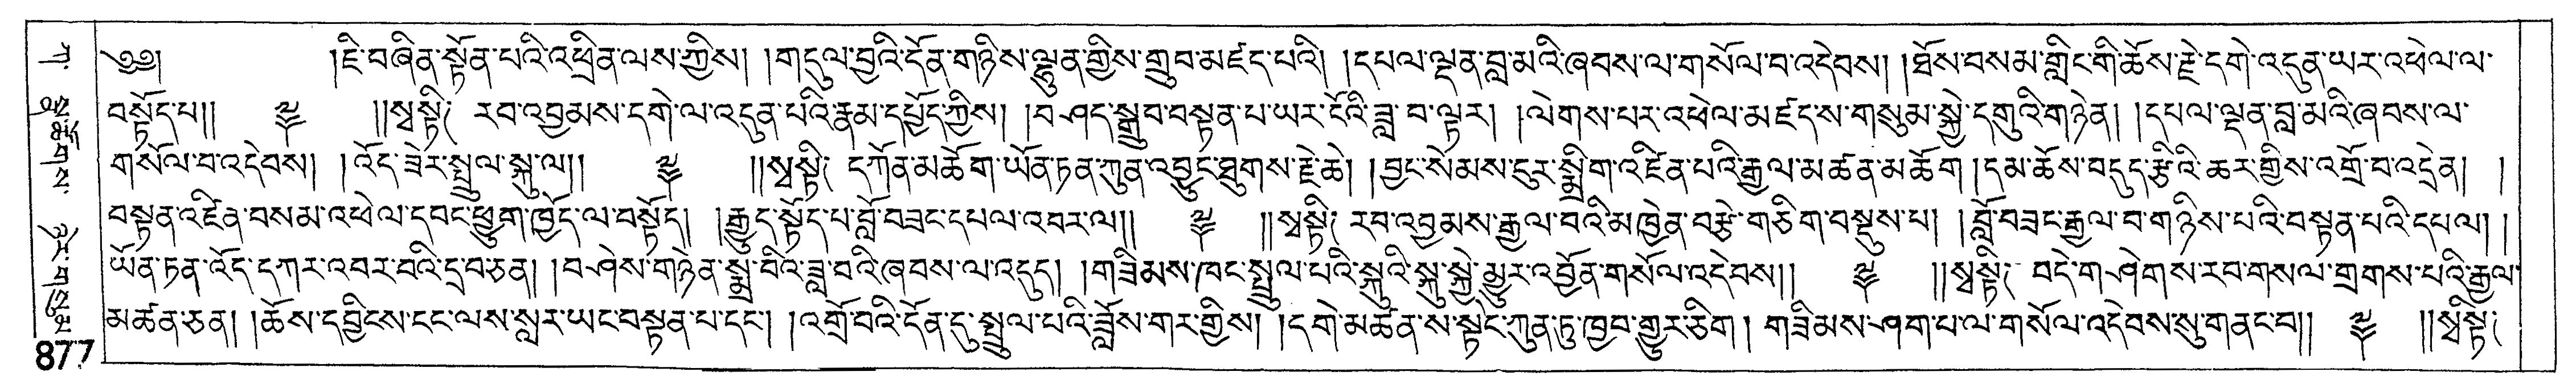༄༅། །ཇི་བཞིན་སྟོན་པའི་འཕྲིན་ལས་ཀྱིས། །གདུལ་བྱའི་དོན་གཉིས་ལྷུན་གྱིས་གྲུབ་མཛད་པའི། །དཔལ་ལྡན་བླ་མའི་ཞབས་ལ་གསོལ་བ་འདེབས། །ཐོས་བསམ་གླིང་གི་ཆོས་རྗེ་དགེ་འདུན་ཡར་འཕེལ་ལ་
བསྟོད་པ།། ༈ །།སྭསྟི༑ རབ་འབྱམས་དགེ་ལ་འདུན་པའི་རྣམ་དཔྱོད་ཀྱིས། །བཤད་སྒྲུབ་བསྟན་པ་ཡར་ངོའི་ཟླ་བ་ལྟར། །ལེགས་པར་འཕེལ་མཛད་ས་གསུམ་སྐྱེ་དགུའི་གཉེན། །དཔལ་ལྡན་བླ་མའི་ཞབས་ལ་
གསོལ་བ་འདེབས། །འོད་ཟེར་སྤྲུལ་སྐུ་ལ།། ༈ །།སྭསྟི༑ དཀོན་མཆོག་ཡོན་ཏན་ཀུན་འབྱུང་ཐུགས་རྗེ་ཆེ། །བྱང་སེམས་ངུར་སྨྲིག་འཛིན་པའི་རྒྱལ་མཚན་མཆོག །དམ་ཆོས་བདུད་རྩིའི་ཆར་གྱིས་འགྲོ་བ་འདྲེན། །
བསྟན་འཛིན་བསམ་འཕེལ་དབང་ཕྱུག་ཁྱོད་ལ་བསྟོད། །རྒྱུད་སྟོད་པ་བློ་བཟང་དཔལ་འབར་ལ།། ༈ །།སྭསྟི༑ རབ་འབྱམས་རྒྱལ་བའི་མཁྱེན་བརྩེ་གཅིག་བསྡུས་པ། །བློ་བཟང་རྒྱལ་བ་གཉིས་པའི་བསྟན་པའི་དཔལ། །
ཡོན་ཏན་འོད་དཀར་འབར་བའི་དྲ་བ་ཅན། །བཤེས་གཉེན་སྨྲ་བའི་ཟླ་བའི་ཞབས་ལ་འདུད། །གཟིམས་ཁང་སྤྲུལ་པའི་སྐུའི་སྐུ་སྐྱེ་མྱུར་འབྱོན་གསོལ་འདེབས།། ༈ །།སྭསྟི༑ བདེ་གཤེགས་རབ་གསལ་གྲགས་པའི་རྒྱལ་
མཚན་ཅན། །ཆོས་དབྱིངས་ངང་ལས་སླར་ཡང་བསྟན་པ་དང་། །འགྲོ་བའི་དོན་དུ་སྤྲུལ་པའི་ཟློས་གར་གྱིས། །དགེ་མཚན་ས་སྟེང་ཀུན་ཏུ་ཁྱབ་གྱུར་ཅིག །གཟིམས་ཤག་པ་ལ་གསོལ་འདེབས་སུ་གནང་བ།། ༈ །།སྭསྟི༑